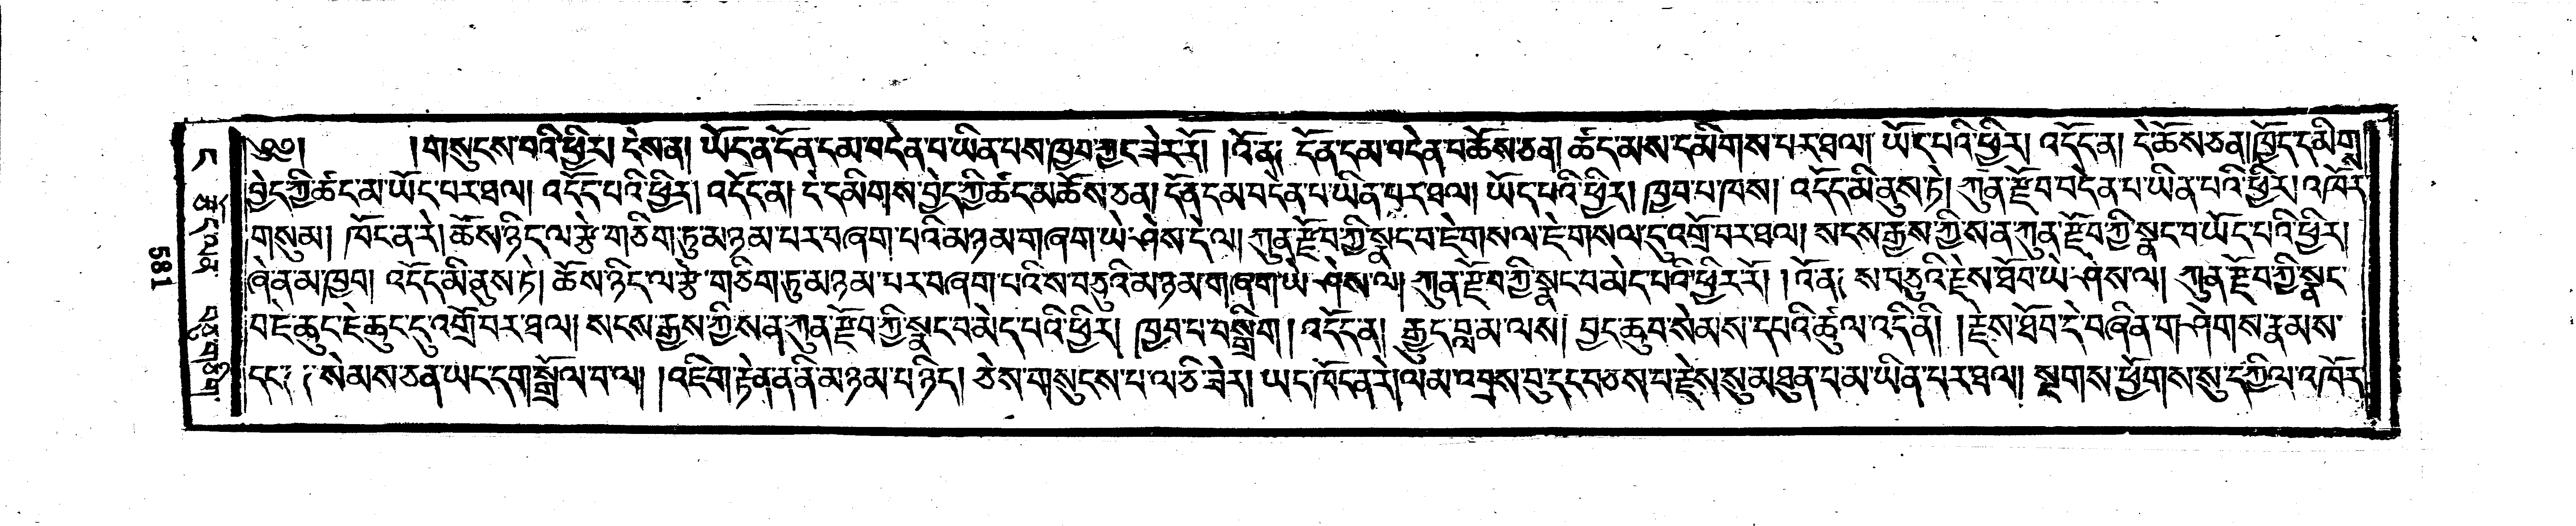༄༅། །གསུངས་པའི་ཕྱིར། དེས་ན། ཡོད་ན་དོན་དམ་བདེན་པ་ཡིན་པས་ཁྱབ་ཀྱང་ཟེར་རོ། །འོ་ན། དོན་དམ་བདེན་པ་ཆོས་ཅན། ཚད་མས་དམིགས་པར་ཐལ། ཡོད་པའི་ཕྱིར། འདོད་ན། དེ་ཆོས་ཅན། ཁྱོད་དམིགས་
བྱེད་ཀྱི་ཚད་མ་ཡོད་པར་ཐལ། འདོད་པའི་ཕྱིར། འདོད་ན། དེ་དམིགས་བྱེད་ཀྱི་ཚད་མ་ཆོས་ཅན། དོན་དམ་བདེན་པ་ཡིན་པར་ཐལ། ཡོད་པའི་ཕྱིར། ཁྱབ་པ་ཁས། འདོད་མི་ནུས་ཏེ། ཀུན་རྫོབ་བདེན་པ་ཡིན་པའི་ཕྱིར། འཁོར་
གསུམ། ཁོང་ན་རེ། ཆོས་ཉིད་ལ་རྩེ་གཅིག་ཏུ་མཉམ་པར་བཞག་པའི་མཉམ་གཞག་ཡེ་ཤེས་དེ་ལ། ཀུན་རྫོབ་ཀྱི་སྣང་བ་ཇེ་གསལ་ཇེ་གསལ་དུ་འགྲོ་བར་ཐལ། སངས་རྒྱས་ཀྱི་ས་ན་ཀུན་རྫོབ་ཀྱི་སྣང་བ་ཡོད་པའི་ཕྱིར།
ཞེ་ན་མ་ཁྱབ། འདོད་མི་ནུས་ཏེ། ཆོས་ཉིད་ལ་རྩེ་གཅིག་ཏུ་མཉམ་པར་བཞག་པའི་ས་བཅུའི་མཉམ་གཞག་ཡེ་ཤེས་ལ། ཀུན་རྫོབ་ཀྱི་སྣང་བ་མེད་པའི་ཕྱིར་རོ། །འོ་ན། ས་བཅུའི་རྗེས་ཐོབ་ཡེ་ཤེས་ལ། ཀུན་རྫོབ་ཀྱི་སྣང་
པ་ཇེ་ཆུང་ཇེ་ཆུང་དུ་འགྲོ་བར་ཐལ། སངས་རྒྱས་ཀྱི་ས་ན་ཀུན་རྫོབ་ཀྱི་སྣང་བ་མེད་པའི་ཕྱིར། ཁྱབ་པ་བསྒྲིག །འདོད་ན། རྒྱུད་བླ་མ་ལས། བྱང་ཆུབ་སེམས་དཔའི་ཚུལ་འདི་ནི། །རྗེས་ཐོབ་དེ་བཞིན་གཤེགས་རྣམས་
དང་། །སེམས་ཅན་ཡང་དག་སྒྲོལ་བ་ལ། །འཇིག་རྟེན་ན་ནི་མཉམ་པ་ཉིད། ཅེས་གསུངས་པ་ལ་ཅི་ཟེར། ཡང་ཁོང་ན་རེ། ལམ་འབྲས་བུ་དང་བཅས་པ་རྗེས་སུ་མཐུན་པ་མ་ཡིན་པར་ཐལ། སྔགས་ཕྱོགས་སུ་དཀྱིལ་འཁོར་